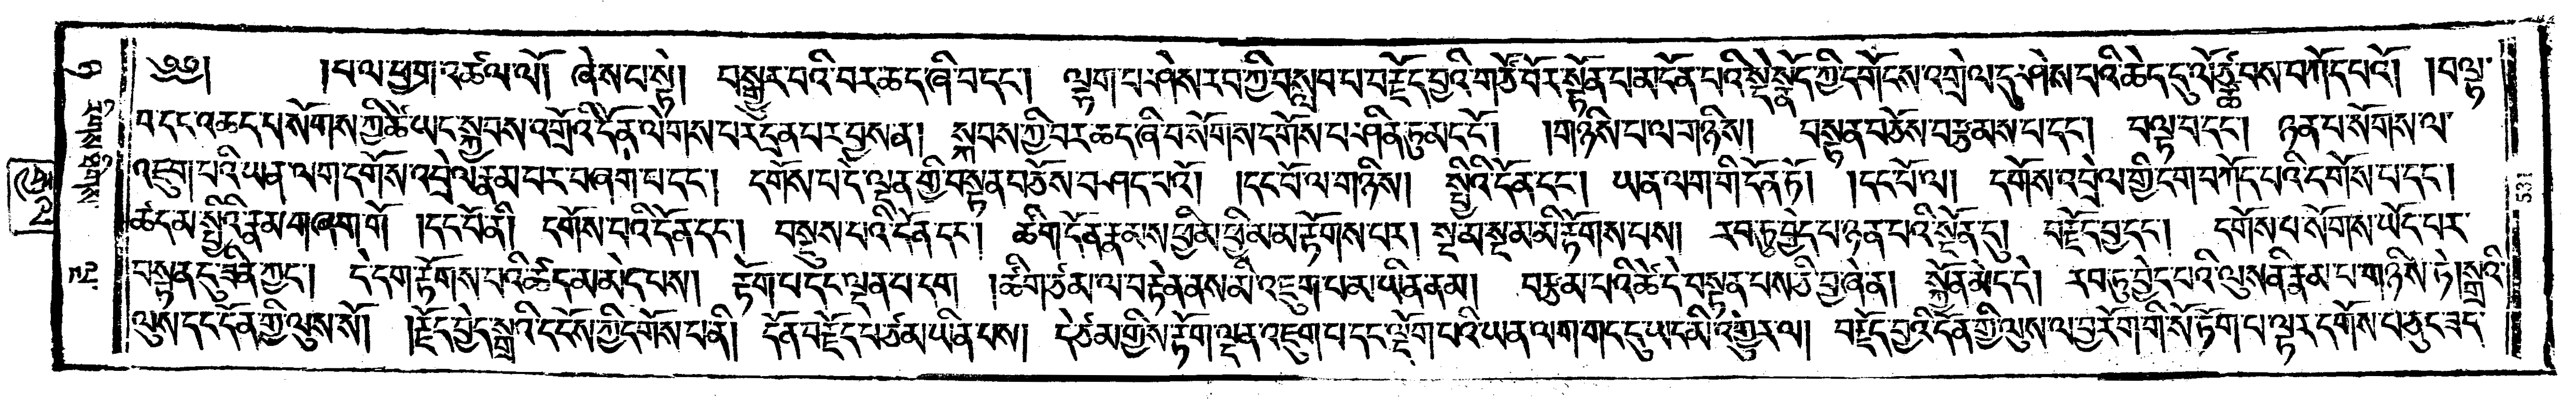༄༅། །པ་ལ་ཕྱག་འཚལ་ལོ། ཞེས་པ་སྟེ། བསྒྱུར་བའི་བར་ཆད་ཞི་བ་དང་། ལྷག་པ་ཤེས་རབ་ཀྱི་བསླབ་པ་བརྗོད་བྱའི་གཙོ་བོར་སྟོན་པ་མངོན་པའི་སྡེ་སྣོད་ཀྱི་དགོངས་འགྲེལ་དུ་ཤེས་པའི་ཆེད་དུ་ལོ་ཙྪ་བས་བཀོད་པའོ། །བལྟ་
བ་དང་འཆད་པ་སོགས་ཀྱི་ཚེ་ཡང་སྐྱབས་འགྲོའི་དོན་ལེགས་པར་དྲན་པར་བྱས་ན། སྐབས་ཀྱི་བར་ཆད་ཞི་བ་སོགས་དགོས་པ་ཤིན་ཏུ་མང་ངོ། །གཉིས་པ་ལ་གཉིས། བསྟན་བཅོས་བརྩམས་པ་དང་། བལྟ་བ་དང་། ཉན་པ་སོགས་ལ་
འཇུག་པའི་ཡན་ལག་དགོས་འབྲེལ་རྣམ་པར་བཞག་པ་དང་། དགོས་པ་དེ་ལྡན་གྱི་བསྟན་བཅོས་བཤད་པའོ། །དང་པོ་ལ་གཉིས། སྤྱིའི་དོན་དང་། ཡན་ལག་གི་དོན་ཏོ། །དང་པོ་ལ། དགོས་འབྲེལ་གྱི་དག་བཀོད་པའི་དགོས་པ་དང་།
ཚད་མ་སྤྱིའི་རྣམ་གཞག་གོ། །དང་པོ་ནི། དགོས་པའི་དོན་དང་། བསྡུས་པའི་དོན་དང་། ཚིག་དོན་རྣམས་ཕྱི་མ་ཕྱི་མ་མ་རྟོགས་པར། སྔ་མ་སྔ་མ་མི་རྟོགས་པས། རབ་ཏུ་བྱེད་པ་ཉན་པའི་སྔོན་དུ། བརྗོད་བྱ་དང་། དགོས་པ་སོགས་ཡོད་པར་
བསྟན་དུ་ཟིན་ཀྱང་། དེ་དག་རྟོགས་པའི་ཚད་མ་མེད་པས། རྟོག་པ་དང་ལྡན་པ་དག །ཚིག་ཙམ་ལ་བརྟེན་ནས་མི་འཇུག་པ་མ་ཡིན་ནམ། བརྩམ་པའི་ཚེ་དེ་བསྟན་པས་ཅི་བྱ་ཞེ་ན། སྐྱོན་མེད་དེ། རབ་ཏུ་བྱེད་པའི་ལུས་ནི་རྣམ་པ་གཉིས་ཏེ། སྒྲའི་
ལུས་དང་དོན་གྱི་ལུས་སོ། །རྗོད་བྱེད་སྒྲའི་དངོས་ཀྱི་དགོས་པ་ནི། དོན་བརྗོད་པ་ཙམ་ཡིན་པས། དེ་ཙམ་གྱིས་རྟོག་ལྡན་འཇུག་པ་དང་ལྡོག་པའི་ཡན་ལག་གང་དུ་ཡང་མི་འགྱུར་ལ། བརྗོད་བྱའི་དོན་གྱི་ལུས་ལ་བྱ་རོག་གི་སོ་རྟོག་པ་ལྟར་དགོས་པ་ཅུང་ཟད་